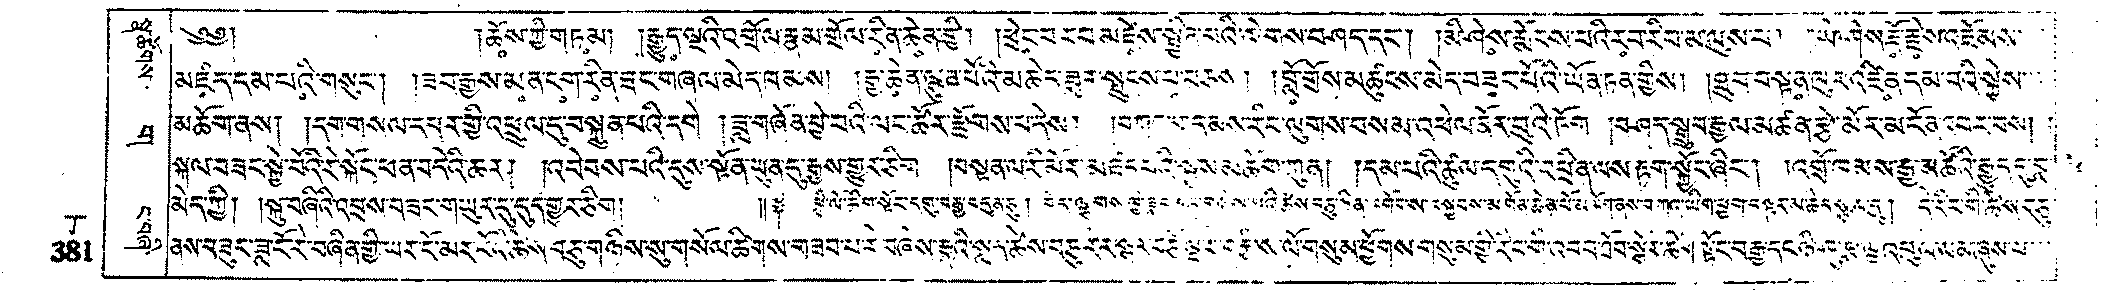༄༅། །ཆོས྾་ཀྱི་གཏམ྾། །རྒྱུད྾་ལྔའི་འགྲོ་ལ་རྣམ་གྲོལ་རིན྾་ཆེན྾་གྱི། །ཕྲེང྾་བ་རབ་མཛེས྾་སྦྱིན་པའི་ལེགས་བཤད་དང་། །མི་ཤེས྾་རྨོངས་པའི་རབ྾་རིབ་མ་ལུས་པ། །ཡེ་ཤེས་རྡོ྾་རྗེས྾་འཇོམྶ་་་
མཛད྾་དམ་པའི྾་གསུང་། །ཟབ་རྒྱས་མན྾་ངག྾་རིན྾་ཐང་གཞལ་མེད་ཁམས། །རྒྱ་ཆེན྾་ལྷུན་པོའི་མཆེད་ཟླར་སྤུངས་པ྾་བཅས། །བློ྾་གྲོས་མཚུངས་མེད་བཟང྾་པོའི་ཡོན་ཏན་གྱིས། །ཐུབ་བསྟན྾་ཁུར་འཛིན྾་དམ་པའི་སྐྱེས་་་
མཆོག་ནས། །དག་གསལ་དཔར་གྱི་འཕྲུལ་དུ་བསྐྲུན་པའི་དགེ །ཟླ་གཞོན་བྱེ་བའི་ལང་ཚོར་རྫོགས་པ་དེས། །བཀའ་གདམས་རིང་ལུགས་བསམ་འཕེལ་ནོར་བུའི་ཏོག །བཤད་སྒྲུབ་རྒྱལ་མཚན་རྩེ་མོར་མངོན་འབར་བས། །
སྐལ་བཟང་སྐྱེ་བོའི་རེ་སྐོང་ཕན་བདེའི་ཆར། །འབེབས་པའི་དུས་སྟོན་ཡུན་དུ་རྒྱས་གྱུར་ཅིག །བསྟན་ལ་རི་མོར་མཛད་པའི་སྐྱེས་མཆོག་ཀུན། །དམ་པའི་ཚུལ་དགུའི་འཕྲིན་ལས་རྟག་སྐྱོང་ཞིང་། །འགྲོ་ཁམས་རྒྱ་མཚོའི་རྒྱུད་དུ་བླ་
མེད་ཀྱི། །སྐུ་བཞིའི་འབྲས་བཟང་གཡུར་དུ་དུད་གྱུར་ཅིག། །།འཕྱི་ལོ་ཆིག་སྟོང་དགུ་བརྒྱ་བདུན་ཅུ། བོད་ལྕགས་ཁྱི་ཟླ་བ་བཅུ་གཉིས་པའི་ཚེས་བཅུ་ཉིན ༧གོང་ས ༧སྐྱབས་མགོན་ཆེན་པོ་མཆོག་ནས་བཀའ་ཡིག་ཕྱག་བསྟར་མ་ཆེད་སྩལ་དུ། དེ་རིང་གི་ཚེས་བཅུ་
ནས་བཟུང་ཟླ་ངོ་རེ་བཞིན་གྱི་ཡར་ངོ་མར་ངོའི་ཚེས་བཅུ་གཉིས་སུ་གསོལ་ཚིགས་གཟབ་པ་རེ་བཞེས་རྒྱུའི་སླད་ཚེས་བཅུ་རེར་སྒོར་བཅོ་ལྔ་རེ་བརྩིས་ལོ་གསུམ་ཕྱོགས་གསུམ་གྱི་རིང་གི་འབབ་ཐོབ་སྒོར་ཆིག་སྟོང་བརྒྱ་དང་ཉི་ཤུ་རྩ་ལྔ་འབུལ་ལམ་ཞུས་པ་་་